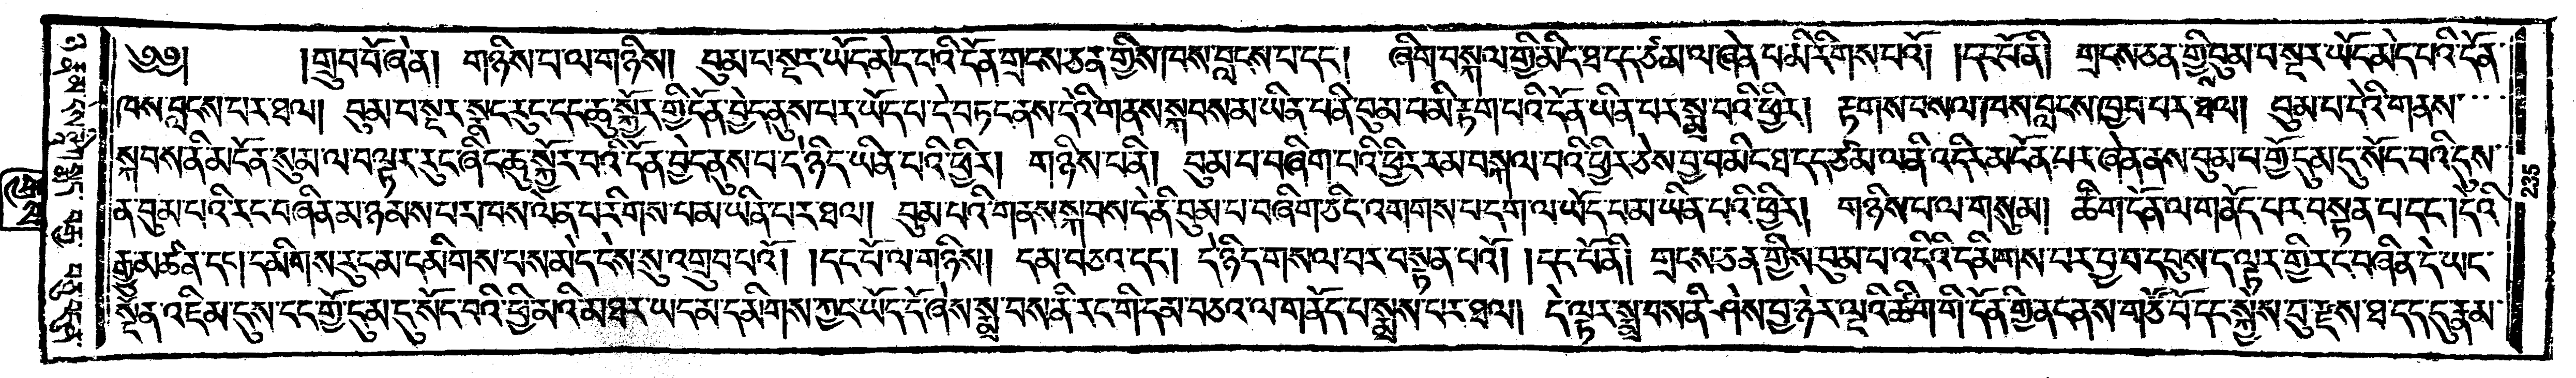༄༅། །གྲུབ་པོ་ཞེ་ན། གཉིས་པ་ལ་གཉིས། བུམ་པ་སྔར་ཡོད་མེད་པའི་དོན་གྲངས་ཅན་གྱིས་ཁས་བླངས་པ་དང་། ཞིག་བསྐལ་གྱི་མིད་ཐ་དད་ཙམ་ལ་ཞེན་པ་མི་རིགས་པའོ། །དང་པོ་ནི། གྲངས་ཅན་གྱི་བུམ་པ་སྔར་ཡོད་མེད་པའི་དོན་
ཁས་བླངས་པར་ཐལ། བུམ་པ་སྔར་སྣང་རུང་དང་ཆུ་སྐྱོར་གྱི་དོན་བྱེད་ནུས་པར་ཡོད་པ་དེ་བཏང་ནས་དེའི་གནས་སྐབས་མ་ཡིན་པ་ནི་བུམ་པ་མི་རྟག་པའི་དོན་ཡིན་པར་སྨྲ་བའི་ཕྱིར། རྟགས་བསལ་ཁས་བླངས་ཁྱབ་པར་ཐལ། བུམ་པ་དེའི་གནས་
སྐབས་ནི་མངོན་སུམ་ལ་བལྟར་རུང་ཞིང་ཆུ་སྐྱོར་བའི་དོན་བྱེད་ནུས་པ་དེ་ཉིད་ཡིན་པའི་ཕྱིར། གཉིས་པ་ནི། བུམ་པ་བཞིག་པའི་ཕྱིར་རམ་བསྐལ་བའི་ཕྱིར་ཅེས་བྱ་བ་མིད་ཐ་དད་ཙམ་ལ་ནི་འདིར་མངོན་པར་ཞེན་ནས་བུམ་པ་གྱོ་དུམ་དུ་སོང་བའི་དུས་
ན་བུམ་པའི་རང་བཞིན་མཉམས་པར་ཁས་ལེན་པ་རིགས་པ་མ་ཡིན་པར་ཐལ། བུམ་པའི་གནས་སྐབས་དེ་ནི་བུམ་པ་བཞིག་ཅིང་འགགས་པ་དག་ལ་ཡོད་པ་མ་ཡིན་པའི་ཕྱིར། གཉིས་པ་ལ་གསུམ། ཚིག་དོན་ལ་གནོད་པར་བསྟན་པ་དང་། དེའི་
རྒྱུ་མཚན་དང་། དམིགས་རུང་མ་དམིགས་པས་མེད་ངེས་སུ་འགྲུབ་པའོ། །དང་པོ་ལ་གཉིས། དམ་བཅའ་དང་། དེ་ཉིད་གསལ་བར་བསྟན་པའོ། །དང་པོ་ནི། གྲངས་ཅན་གྱིས་བུམ་པ་འདིའི་དམིགས་པར་བྱ་བ་དབུས་ད་ལྟར་གྱི་རང་བཞིན་དེ་ཡང་
སྔོན་འཇིམ་དུས་དད་གྱོ་དུམ་དུ་སོང་བའི་ཕྱི་མའི་མཐར་ཡང་མ་དམིགས་ཀྱང་ཡོད་དོ་ཞེས་སྨྲ་བས་ནི་རང་གི་དམ་བཅའ་ལ་གནོད་པ་སྨྲས་པར་ཐལ། དེ་ལྟར་སྨྲ་བས་ནི་ཤེས་བྱ་ཉེར་ལྔའི་ཚིག་གི་དོན་གྱི་ནང་ནས་གཙོ་བོ་དང་སྐྱེས་བུ་རྫས་ཐ་དད་དུ་རྣམ་